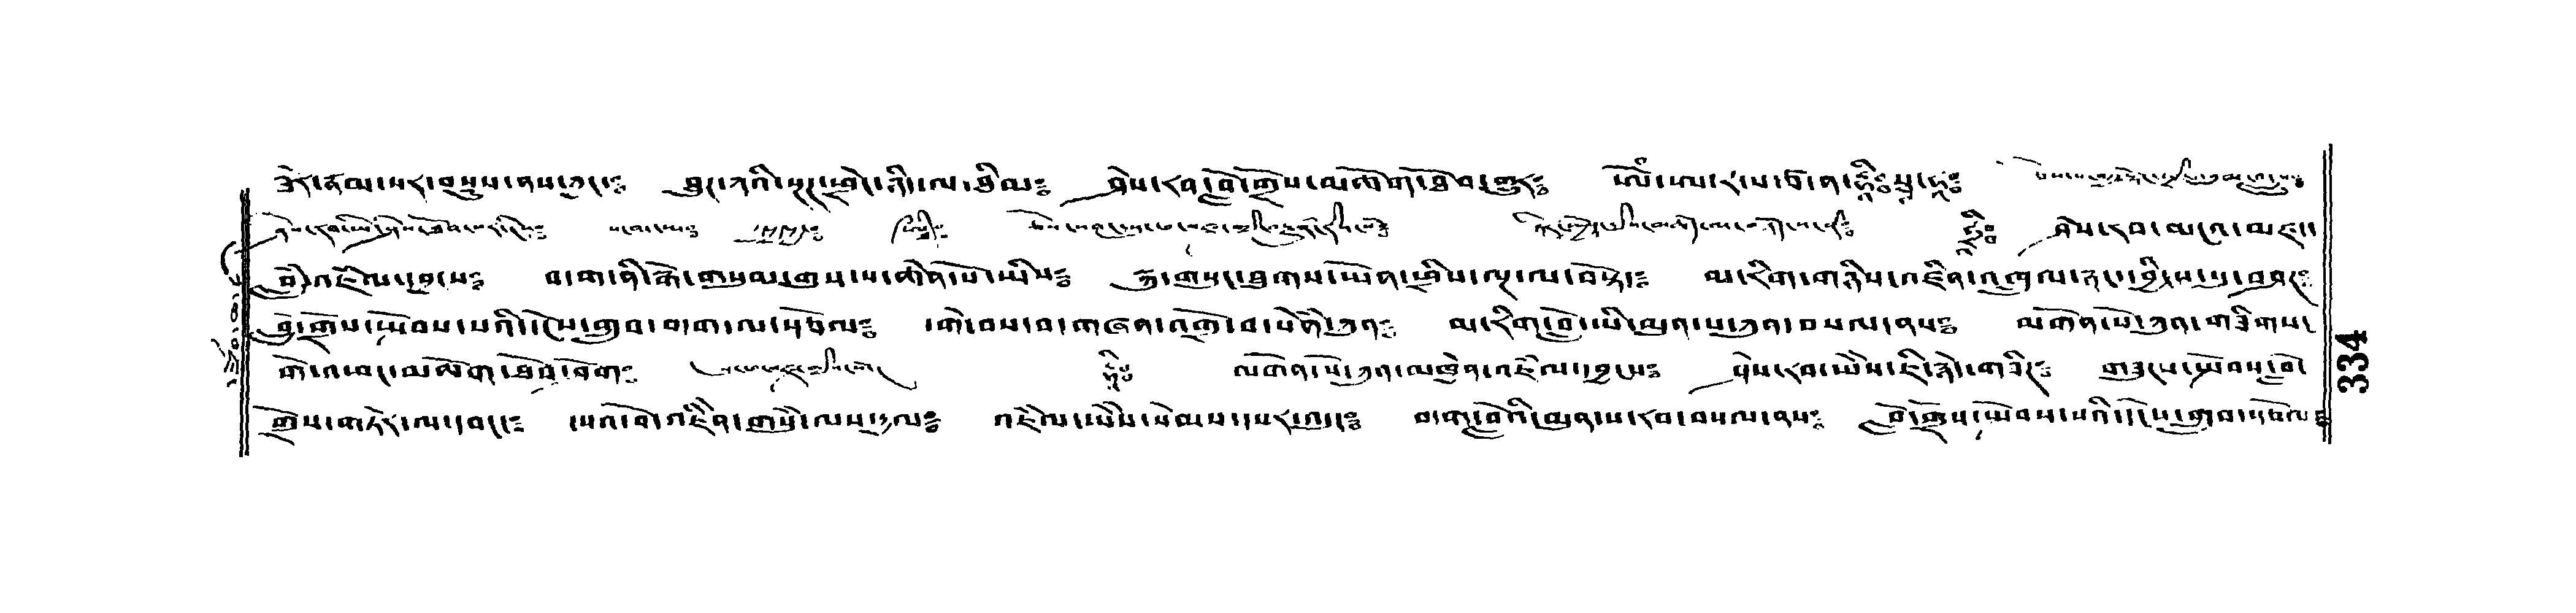ཟེར་རྣམ་པར་བསྡུས་ནས་ཀྱང༔ ཐུགས་ཀའི་སྔགས་ཕྲེང་ཉིད་ལ་ཐིམ༔ ཤེས་རབ་བློ་གྲོས་མཆོག་ཐོབ་གྱུར༔ ཨོཾ་ཨ་ར་པ་ཙ་ན་དྷཱིཿསྭཱ་ཧཱ༔ ཅེས་པ་བརྒྱ་སྟོང་ཁྲི་འབུམ་བཟླས༔ 
ཤེས་རབ་ཡེ་ཤེས་ཐོབ་པར་ངེས༔ ས་མ་ཡ༔ རྒྱ་རྒྱ་རྒྱ༔ ༔ ཅེས་པའང་སུ་ཁ་བཛྲ་གྱི་བརྫུན་རིས་སོ།། ཉེར་སྤྱོད་ཀྱིས་མཆོད་ལ༔ བཀོད་པ་ནི༔ ཧྲཱིཿ ཤེས་རབ་མངའ་མཛད་
བླ་མ་འཇམ་དཔལ་དབྱངས༔ བདག་ནི་སྒོ་གསུམ་གུས་པ་ཆེན་པོ་ཡིས༔ སྐུ་གསུང་ཐུགས་ཡོན་ཕྲིན་ལས་ལྔ་ལ་བསྟོད༔ མ་རིག་གཉིས་འཛིན་འཁྲུལ་སྣང་དབྱིངས་སུ་བཤགས༔ 
བློ་གྲོས་སྤོབས་པའི་དངོས་གྲུབ་བདག་ལ་སྩོལ༔ དགེ་བས་བདག་གཞན་འགྲོ་བ་སེམས་ཅན་ཀུན༔ མ་རིག་བློ་ཡི་མུན་པ་ཀུན་བསལ་ནས༔ མགོན་པོ་ཀུན་གཟིགས་
གོ་འཕང་མཆོག་ཐོབ་ཤོག༔ སུ་ཁ་བཛྲ་གྱིས་སོ།། དྷཱི༔ མགོན་པོ་ཀུན་མཁྱེན་འཇམ་དཔལ་དབྱངས༔ ཤེས་རབ་ཡེ་ཤེས་ཇི་སྙེད་གཟིགས༔ གཟུངས་སྤོབས་བློ་
གྲོས་གཏེར་ལ་དབང༔ དཔའ་བོ་འཇིག་རྟེན་གསུམ་ལས་རྒྱལ༔ འཇམ་དཔལ་ཡེ་ཤེས་སེམས་དཔར་འདུད༔ བདག་བློའི་མུན་པ་རབ་བསལ་ནས༔བློ་གྲོས་སྤོབས་པའི་དངོས་གྲུབ་སྩོལ༔